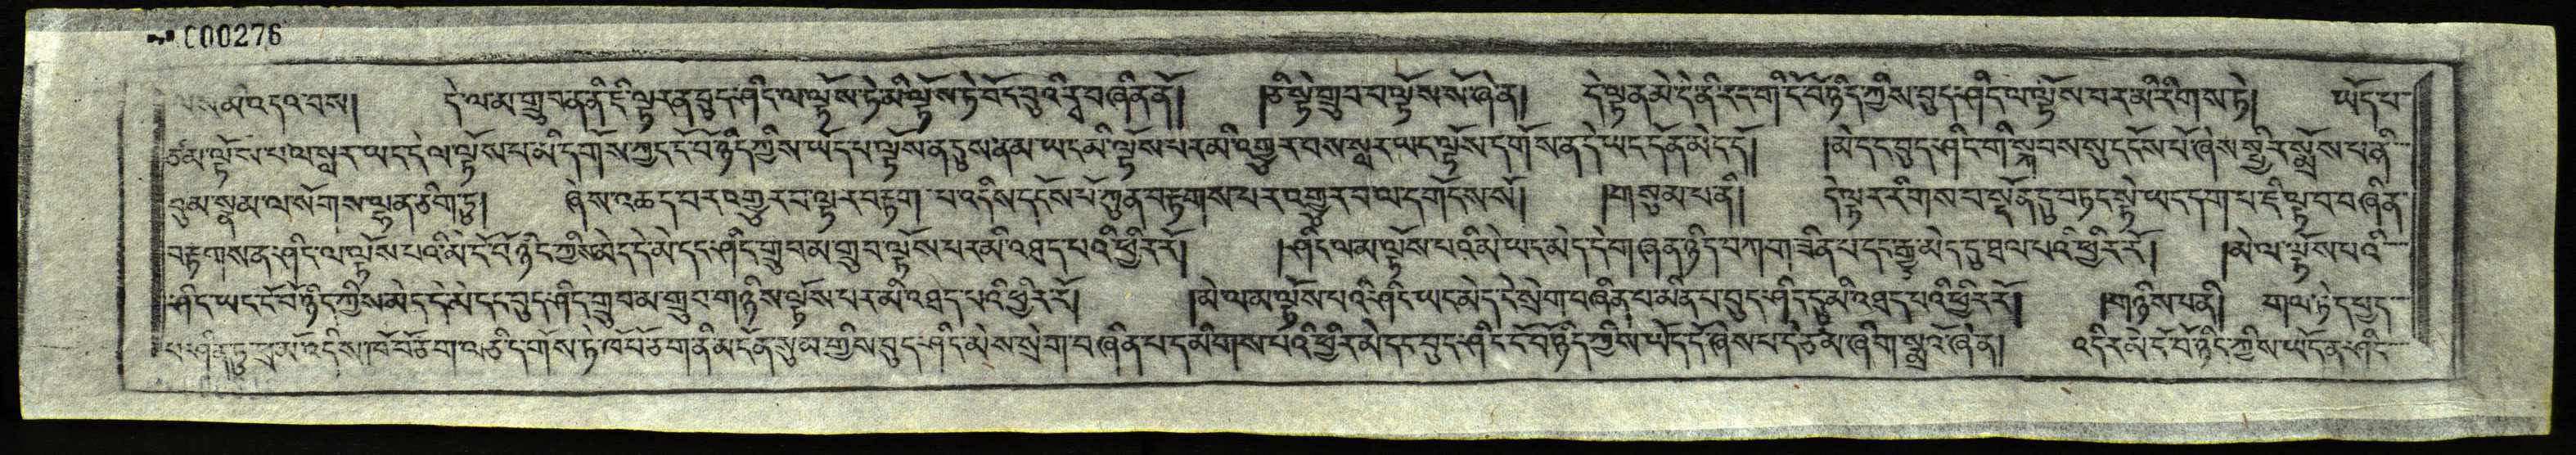ལས་མི་འདའ་བས། དེ་ལ་མ་གྲུབ་ན་ནི་ཇི་ལྟར་ན་བུད་ཤིང་ལ་ལྟོས་ཏེ་མི་ལྟོས་ཏེ་བོང་བུའི་རྭ་བཞིན་ནོ། །ཅི་སྟེ་གྲུབ་པ་ལྟོས་སོ་ཞེ་ན། དེ་ལྟ་ན་མེ་དེ་ནི་རང་གི་ངོ་བོ་ཉིད་ཀྱིས་བུད་ཤིང་ལ་ལྟོས་བར་མི་རིགས་ཏེ། ཡོད་པ་
ཙམ་ལྟོས་པ་ལ་སླར་ཡང་དེ་ལ་ལྟོས་པ་མི་དགོས་ཀྱང་ངོ་བོ་ཉིད་ཀྱིས་ཡོད་པ་ལྟོས་ན་དུས་ནམ་ཡང་མི་ལྟོས་པར་མི་འགྱུར་བས་སླར་ཡང་ལྟོས་དགོས་ན་དེ་ཡང་དོན་མེད་དོ། །མེ་དང་བུད་ཤིང་གི་སྐབས་སུ་དངོས་པོ་ཞེས་སྤྱིར་སྨྲོས་པ་ནི་
བུམ་སྣམ་ལ་སོགས་ལྷན་ཅིག་ཏུ། ཞེས་འཆད་བར་འགྱུར་བ་ལྟར་བརྟག་པ་འདིས་དངོས་པོ་ཀུན་བརྟགས་པར་འགྱུར་བ་ལ་དགོངས་སོ། །གསུམ་པ་ནི། དེ་ལྟར་རིགས་པ་སྔོན་དུ་བཏང་སྟེ་ཡང་དག་པ་ཇི་ལྟ་བ་བཞིན་
བརྟགས་ན་ཤིང་ལ་ལྟོས་པའི་མེ་ངོ་བོ་ཉིད་ཀྱིས་མེད་དེ་མེ་དང་ཤིང་གྲུབ་མ་གྲུབ་ལྟོས་པར་མི་འཐད་པའི་ཕྱིར་རོ། །ཤིང་ལ་མ་ལྟོས་པའི་མེ་ཡང་མེད་དེ་གཞན་ཉིད་བཀག་ཟིན་པ་དང་རྒྱུ་མེད་དུ་ཐལ་བའི་ཕྱིར་རོ། །མེ་ལ་ལྟོས་པའི་
ཤིང་ཡང་ངོ་བོ་ཉིད་ཀྱིས་མེད་དེ་མེ་དང་བུད་ཤིང་གྲུབ་མ་གྲུབ་གཉིས་ལྟོས་པར་མི་འཐད་པའི་ཕྱིར་རོ། །མེ་ལ་མ་ལྟོས་པའི་ཤིང་ཡང་མེད་དེ་སྲེག་བཞིན་པ་མིན་པ་བུད་ཤིང་དུ་མི་འཐད་པའི་ཕྱིར་རོ། །གཉིས་པ་ནི། གལ་ཏེ་དཔྱད་
པ་ཤིན་ཏུ་ཕྲ་མོ་འདིས་ཁོ་བོ་ཅག་ལ་ཅི་དགོས་ཏེ་ཁོ་བོ་ཅག་ནི་མངོན་སུམ་གྱིས་བུད་ཤིང་མེས་སྲེག་བཞིན་པ་དམིགས་པའི་ཕྱིར་མེ་དང་བུད་ཤིང་ངོ་བོ་ཉིད་ཀྱིས་ཡོད་དོ་ཞེས་པ་དེ་ཙམ་ཞིག་སྨྲའོ་ཞེ་ན། འདིར་མེ་ངོ་བོ་ཉིད་ཀྱིས་ཡོད་ན་ཤིང་